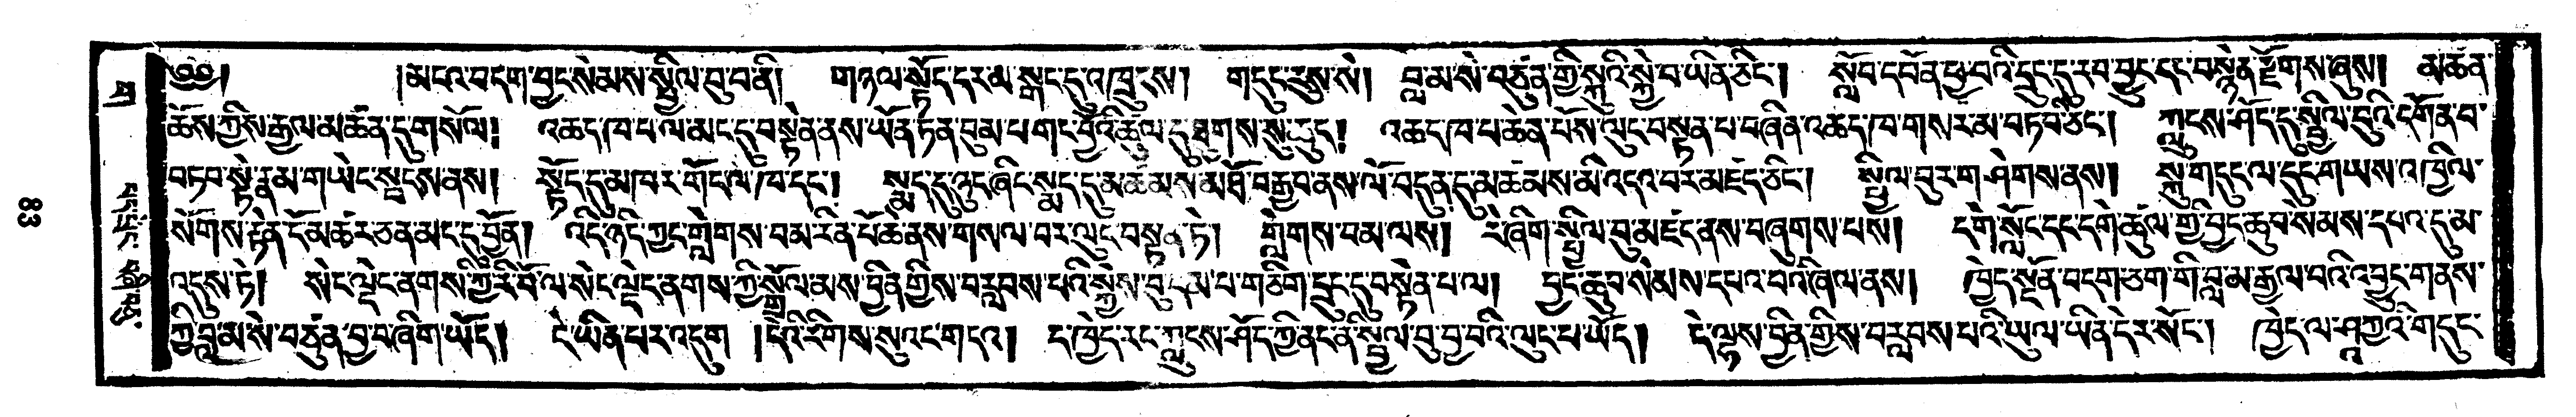༄༅། །མངའ་བདག་བྱང་སེམས་སྤྱིལ་བུ་བ་ནི། གཉལ་སྟོད་དར་མ་སྒང་དུ་འཁྲུངས། གདུང་རུས་སེ། བླ་མ་སེ་བཙུན་གྱི་སྐུའི་སྐྱེ་བ་ཡིན་ཅིང་། སློབ་དཔོན་ཕྱ་བའི་དྲུང་དུ་རབ་བྱུང་དང་བསྙེན་རྫོགས་ཞུས། མཚན་
ཆོས་ཀྱིས་རྒྱལ་མཚན་དུ་གསོལ། འཆད་ཁ་པ་ལ་མང་དུ་བསྟེན་ནས་ཡོན་ཏན་བུམ་པ་གང་བྱོའི་ཚུལ་དུ་ཐུགས་སུ་ཆུད། འཆད་ཁ་པ་ཆེན་པོས་ལུང་བསྟན་པ་བཞིན་འཆད་ཁ་གསར་མ་བཏབ་ཅིང་། ཀླུངས་ཤོད་དུ་སྦྱིལ་བུའི་དགོན་བ་
བཏབ་སྟེ་རྣམ་གཡེང་སྤངས་ནས། སྟོང་དུ་མཁར་གོང་ལ་ཁ་དང་། སྨད་དུ་ཉུང་ཞིང་སྨད་དུ་མཚམས་མཐོ་བརྒྱབ་ནས་ལོ་བདུན་དུ་མཚམས་མི་འདའ་བར་མཛད་ཅིང་། སྤྱིལ་བུར་གཤེགས་ནས། སྐུ་གདུང་ལ་དུང་གཡས་འཁྱིལ་
སོགས་རྟེན་ངོ་མཚར་ཅན་མང་དུ་བྱོན། འདི་ཉིད་ཀྱང་གླེགས་བམ་རིན་པོ་ཆེ་ནས་གསལ་བར་ལུང་བསྟན་ཏེ། གླེགས་བམ་ལས། རེ་ཞིག་སྤྱིལ་བུ་མཛད་ནས་བཞུགས་པས། དགེ་སློང་དང་དགེ་ཚུལ་གྱི་བྱང་ཆུབ་སེམས་དཔའ་དུ་མ་
འདུས་ཏེ། སེང་ལྡེང་ནགས་ཀྱི་རི་བོ་ལ་སེང་ལྡེང་ནགས་ཀྱི་སྒྲོལ་མས་བྱིན་གྱིས་བརླབས་པའི་སྐྱེས་བུ་དམ་པ་གཅིག་དྲུང་དུ་བསྟེན་པ་ལ། བྱང་ཆུབ་སེམས་དཔའ་བའི་ཞལ་ནས། ཁྱེད་སྔོན་བདག་ཅག་གི་བླ་མ་རྒྱལ་བའི་འབྱུང་གནས་
ཀྱི་བླ་མ་སེ་བཙུན་བྱ་བ་ཞིག་ཡོད། དེ་ཡིན་པར་འདུག །དེའི་རིགས་སུའང་གདའ། ད་ཁྱེད་རང་ཀླུངས་ཤོད་ཀྱི་ནང་ནི་སྤྱིལ་བུ་བྱ་བའི་ལུང་པ་ཡོད། དེ་ལྷས་བྱིན་གྱིས་བརླབས་པའི་ཡུལ་ཡིན་དེར་སོང་། ཁྱེད་ལ་ཤཱཀྱའི་གདུང་